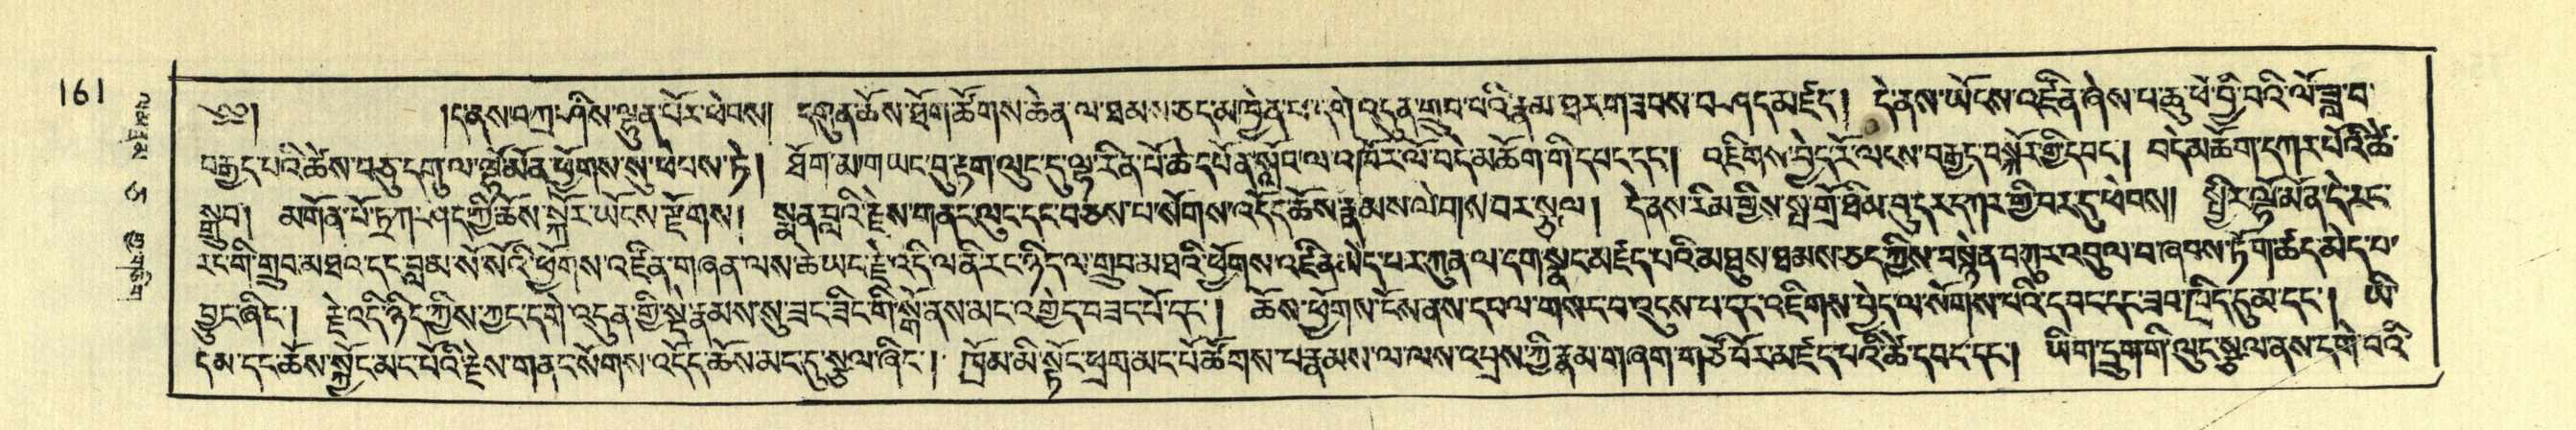༄༅། །ད་ནས་བཀྲ་ཤིས་ལྷུན་པོར་ཕེབས། དགུན་ཆོས་ཐོག་ཚོགས་ཆེན་ལ་ཐམས་ཅད་མཁྱེན་པ་དགེ་འདུན་གྲུབ་པའི་རྣམ་ཐར་གཟབས་བཤད་མཛད། དེ་ནས་ཡོངས་འཛིན་ཞེས་པ་ཆུ་ཕོ་བྱི་བའི་ལོ་ཟླ་བ་
བརྒྱད་པའི་ཚེས་བཅུ་དགུ་ལ་ལྷོ་མོན་ཕྱོགས་སུ་ཕེབས་ཏེ། ཐོག་མ་གཡང་བུ་རྟག་ལུང་དུ་ལྷ་རིན་པོ་ཆེ་དཔོན་སློབ་ལ་འཁོར་ལོ་བདེ་མཆོག་གི་དཔང་དང་། འཇིགས་བྱེད་རོ་ལངས་བརྒྱད་བསྐོར་གྱི་དབང་། བདེ་མཆོག་དཀར་པོའི་ཚེ་
སྒྲུབ། མགོན་པོ་ཏྲ་ཀ་ཤད་ཀྱི་ཆོས་སྐོར་ཡོངས་རྫོགས། སྨན་བླའི་རྗེས་གནང་ལུང་དང་བཅས་པ་སོགས་འདོད་ཆོས་རྣམས་ལེགས་བར་སྩལ། དེ་ནས་རིམ་གྱིས་སྤ་གྲོ་ཐིམ་བུ་དར་དཀར་གྱི་བར་དུ་ཕེབས། སྤྱིར་ལྷོ་མོན་དེ་རང་
རང་གི་གྲུབ་མཐའ་དང་བླ་མ་སོ་སོའི་ཕྱོགས་འཛིན་གཞན་ལས་ཆེ་ཡང་རྗེ་འདི་ལ་ནི་རང་ཉིད་ལ་གྲུབ་མཐའི་ཕྱོགས་འཛིན་མེད་པར་ཀུན་ལ་དག་སྣང་མཛད་པའི་མཐུས་ཐམས་ཅད་ཀྱིས་བསྙེན་བཀུར་འབུལ་བ་ཞབས་རྟོག་ཚད་མེད་པ་
བྱུང་ཞིང་། རྗེ་འདི་ཉིད་ཀྱིས་ཀྱང་དགེ་འདུན་གྱི་སྡེ་རྣམས་སུ་ཟང་ཟིང་གི་སྒོ་ནས་མང་འགྱེད་བཟང་པོ་དང་། ཆོས་ཕྱོགས་ངོས་ནས་དཔལ་གསང་བ་འདུས་པ་དང་འཇིགས་བྱེད་ལ་སོགས་པའི་དབང་དང་ཟབ་ཁྲིད་དུ་མ་དང་། ཡི་
དམ་དང་ཆོས་སྐྱོང་མང་པོའི་རྗེས་གནང་སོགས་འདོད་ཆོས་མང་དུ་སྩལ་ཞིང་། ཁྲོམ་མི་སྟོང་ཕྲག་མང་པོ་ཚོགས་པ་རྣམས་ལ་ལས་འབྲས་ཀྱི་རྣམ་གཞག་གཙོ་བོར་མཛད་པའི་ཚེ་དབང་དང་། ཡིག་དྲུག་གི་ལུང་སྩལ་ནས་དགེ་བའི་